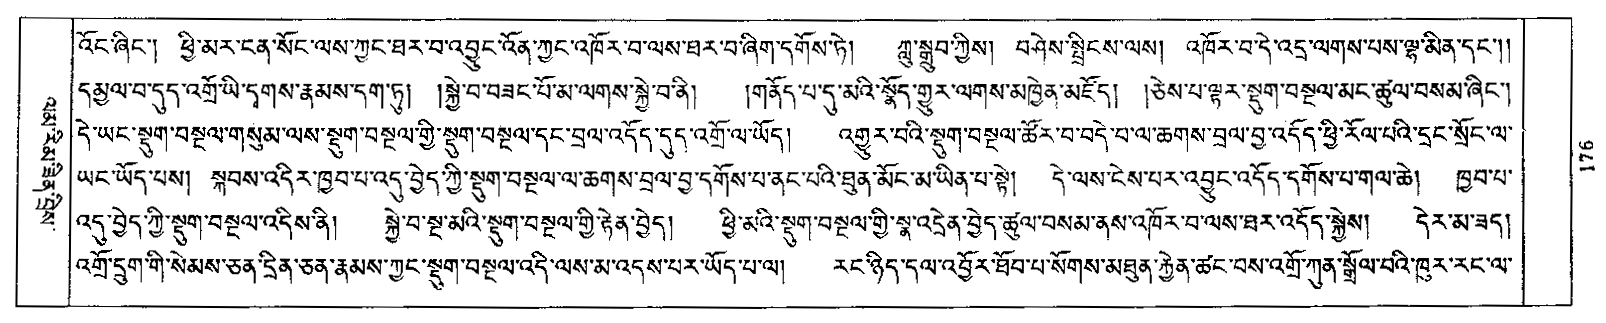འོང་ཞིང་། ཕྱི་མར་ངན་སོང་ལས་ཀྱང་ཐར་བ་འབྱུང་འོན་ཀྱང་འཁོར་བ་ལས་ཐར་བ་ཞིག་དགོས་ཏེ། ཀླུ་སྒྲུབ་ཀྱིས། བཤེས་སྤྲིངས་ལས། འཁོར་བ་དེ་འདྲ་ལགས་པས་ལྷ་མིན་དང།།
དམྱལ་བ་དུད་འགྲོ་ཡི་དྭགས་རྣམས་དག་ཏུ། །སྐྱེ་བ་བཟང་པོ་མ་ལགས་སྐྱེ་བ་ནི། །གནོད་པ་དུ་མའི་སྣོད་གྱུར་ལགས་མཁྱེན་མཛོད། །ཅེས་པ་ལྟར་སྡུག་བསྔལ་མང་ཚུལ་བསམ་ཞིང་།
དེ་ཡང་སྡུག་བསྔལ་གསུམ་ལས་སྡུག་བསྔལ་གྱི་སྡུག་བསྔལ་དང་བྲལ་འདོད་དུད་འགྲོ་ལ་ཡོད། འགྱུར་བའི་སྡུག་བསྔལ་ཚོར་བ་བདེ་བ་ལ་ཆགས་བྲལ་བྱ་འདོད་ཕྱི་རོལ་པའི་དྲང་སྲོང་ལ་
ཡང་ཡོད་པས། སྐབས་འདིར་ཁྱབ་པ་འདུ་བྱེད་ཀྱི་སྡུག་བསྔལ་ལ་ཆགས་བྲལ་བྱ་དགོས་པ་ནང་པའི་ཐུན་མོང་མ་ཡིན་པ་སྟེ། དེ་ལས་ངེས་པར་འབྱུང་འདོད་དགོས་པ་གལ་ཆེ། ཁྱབ་པ་
འདུ་བྱེད་ཀྱི་སྡུག་བསྔལ་འདིས་ནི། སྐྱེ་བ་སྔ་མའི་སྡུག་བསྔལ་གྱི་རྟེན་བྱེད། ཕྱི་མའི་སྡུག་བསྔལ་གྱི་སྣ་འདྲེན་བྱེད་ཚུལ་བསམ་ནས་འཁོར་བ་ལས་ཐར་འདོད་སྐྱེས། དེར་མ་ཟད།
འགྲོ་དྲུག་གི་སེམས་ཅན་དྲིན་ཅན་རྣམས་ཀྱང་སྡུག་བསྔལ་འདི་ལས་མ་འདས་པར་ཡོད་པ་ལ། རང་ཉིད་དལ་འབྱོར་ཐོབ་པ་སོགས་མཐུན་རྐྱེན་ཚང་བས་འགྲོ་ཀུན་སྒྲོལ་བའི་ཁུར་རང་ལ་